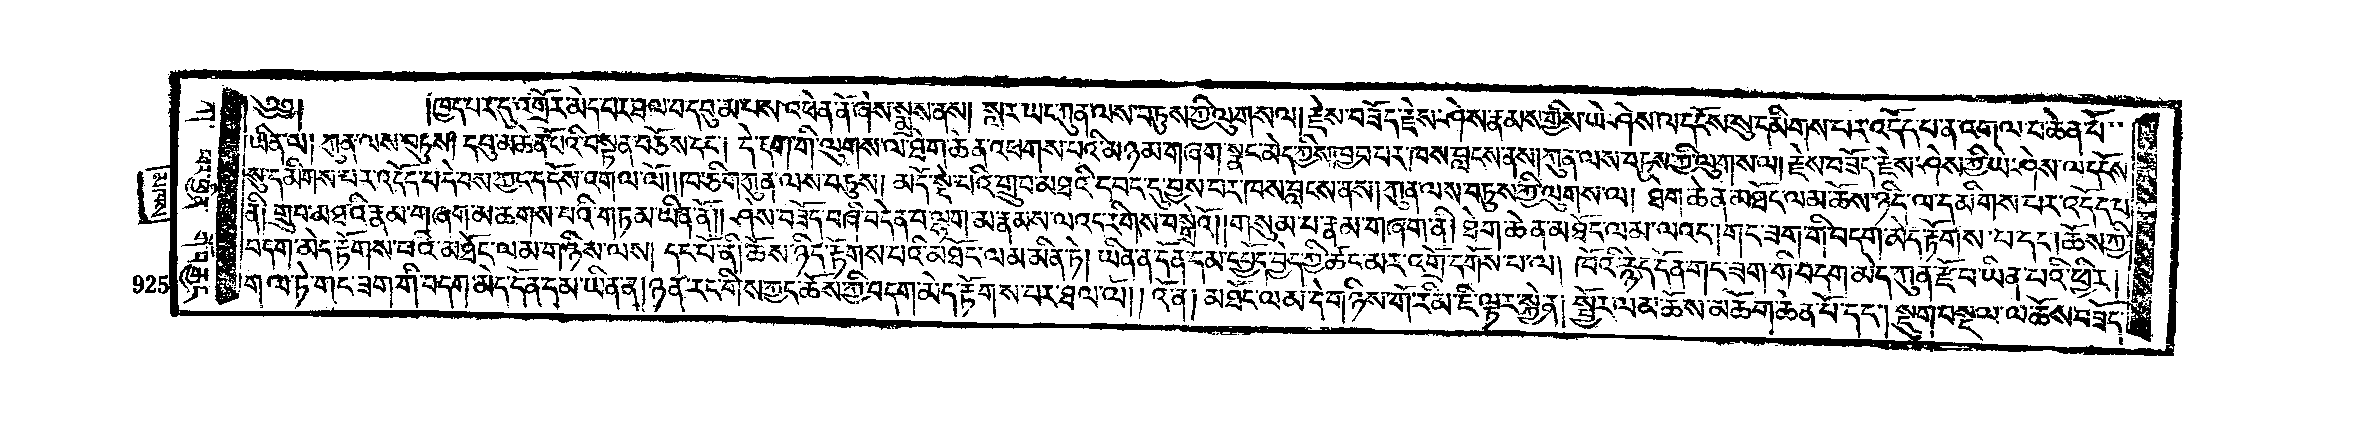༄༅། །ཁྱད་པར་དུ་འགྲོར་མེད་པར་ཐལ་བ་དབུ་མ་པས་འཕེན་ནོ་ཞེས་སྨྲས་ནས། སླར་ཡང་ཀུན་ལས་བཏུས་ཀྱི་ལུགས་ལ། རྗེས་བཟོད་རྗེས་ཤེས་རྣམས་གྱིས་ཡེ་ཤེས་ལ་དངོས་སུ་དམིགས་པར་འདོད་པ་ན་འགལ་བ་ཆེན་པོ་
ཡིན་ལ། ཀུན་ལས་བཏུས། དབུ་མ་ཆེན་པོའི་བསྟན་བཅོས་དང་། དེ་དག་གི་ལུགས་ལ་ཐེག་ཆེན་འཕགས་པའི་མཉམ་གཞག་སྣང་མེད་ཀྱིས་ཁྱབ་པར་ཁས་བླངས་ནས། ཀུན་ལས་བཏུས་ཀྱི་ལུགས་ལ་རྗེས་བཟོད་རྗེས་ཤེས་ཀྱི་ཡེ་ཤེས་ལ་དངོས་
སུ་དམིགས་པར་འདོད་པ་དེ་བས་ཀྱང་དངོས་འགལ་ལོ། །ཁ་ཅིག་ཀུན་ལས་བཏུས། མདོ་སྡེ་པའི་གྲུབ་མཐའི་དབང་དུ་བྱས་པར་ཁས་བླངས་ནས། ཀུན་ལས་བཏུས་ཀྱི་ལུགས་ལ། ཐེག་ཆེན་མཐོང་ལམ་ཆོས་ཉིད་ལ་དམིགས་པར་འདོད་པ་
ནི། གྲུབ་མཐའི་རྣམ་གཞག་མ་ཆགས་པའི་གཏམ་ཡིན་ནོ། །ཤེས་བཟོད་བཞི་བདེན་པ་ལྷག་མ་རྣམས་ལའང་རིགས་བསྒྲེའོ། །གསུམ་པ་རྣམ་གཞག་ནི། ཐེག་ཆེན་མཐོང་ལམ་ལའང་། གང་ཟག་གི་བདག་མེད་རྟོགས་པ་དང་། ཆོས་ཀྱི་
བདག་མེད་རྟོགས་པའི་མཐོང་ལམ་གཉིས་ལས། དང་པོ་ནི། ཆོས་ཉིད་རྟོགས་པའི་མཐོང་ལམ་མིན་ཏེ། ཡིན་ན་དོན་དམ་དཔྱོད་བྱེད་ཀྱི་ཚད་མར་འགྲོ་དགོས་པ་ལ། ཁོའི་རྙེད་དོན་གང་ཟག་གི་བདག་མེད་ཀུན་རྫོབ་ཡིན་པའི་ཕྱིར།
གལ་ཏེ་གང་ཟག་གི་བདག་མེད་དོན་དམ་ཡིན་ན། ཉན་རང་གིས་ཀྱང་ཆོས་ཀྱི་བདག་མེད་རྟོགས་པར་ཐལ་ལོ། །འོ་ན། མཐོང་ལམ་དེ་གཉིས་གོ་རིམ་ཇི་ལྟར་སྐྱེན། སྦྱོར་ལམ་ཆོས་མཆོག་ཆེན་པོ་དང་། སྡུག་བསྔལ་ལ་ཆོས་བཟོད་